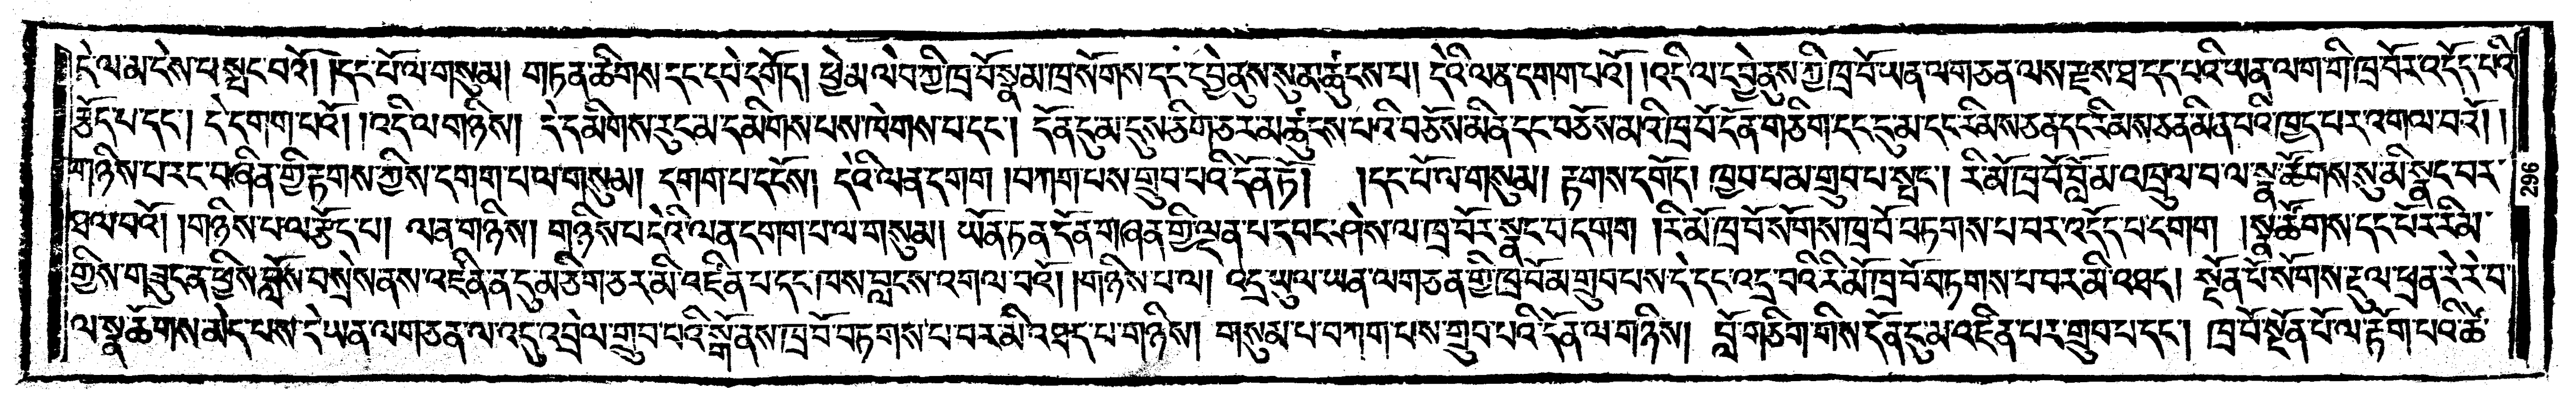དེ་ལ་མ་ངེས་པ་སྤང་བའོ། །དང་པོ་ལ་གསུམ། གཏན་ཚིགས་དང་དཔེ་དགོད། ཕྱེ་མ་ལེབ་ཀྱི་ཁྲ་བོ་སྣམ་ཁྲ་སོགས་དང་དབྱེ་ནུས་སུ་མཚུངས་པ། དེའི་ལན་དགག་པའོ། །འདི་ལ་དབྱེ་ནུས་ཀྱི་ཁྲ་བོ་ཡན་ལག་ཅན་ལས་རྫས་ཐ་དད་པའི་ཡན་ལག་གི་ཁྲ་བོར་འདོད་པའི་
རྩོད་པ་དང་། དེ་དགག་པའོ། །འདི་ལ་གཉིས། དེ་དམིགས་རུང་མ་དམིགས་པས་ཁེགས་པ་དང་། དོན་དུ་མ་དུས་ཅིག་ཅར་མཚུངས་པའི་བཅོས་མིན་དང་བཅོས་མའི་ཁྲ་བོ་དོན་གཅིག་དང་དུ་མ་དང་རིམས་ཅན་དང་རིམས་ཅན་མིན་པའི་ཁྱད་པར་འགལ་བའོ། །
གཉིས་པ་རང་བཞིན་གྱི་རྟགས་ཀྱིས་དགག་པ་ལ་གསུམ། དགག་པ་དངོས། དེའི་ལན་དགག །བཀག་པས་གྲུབ་པའི་དོན་ཏོ། །དང་པོ་ལ་གསུམ། རྟགས་དགོད། ཁྱབ་པ་མ་གྲུབ་པ་སྤང་། རི་མོ་ཁྲ་བོ་བློ་མ་འཁྲུལ་བ་ལ་སྣ་ཚོགས་སུ་མི་སྣང་བར་
ཐལ་བའོ། །གཉིས་པ་ལ་རྩོད་པ། ལན་གཉིས། གཉིས་པ་དེའི་ལན་དགག་པ་ལ་གསུམ། ཡོན་ཏན་དོན་གཞན་གྱི་ལྡན་པ་དབང་ཤེས་ལ་ཁྲ་བོར་སྣང་བ་དགག །རི་མོ་ཁྲ་བོ་སོགས་ཁྲ་བོ་བཏགས་པ་བར་འདོད་པ་དགག །སྣ་ཚོགས་དང་པོར་རིམ་
གྱིས་གཟུང་ན་ཕྱིས་བློས་བསྲེས་ནས་འཛིན་ན་དུ་མ་ཅིག་ཅར་མི་འཛིན་པ་དང་ཁས་བླངས་འགལ་བའོ། །གཉིས་པ་ལ། འདྲ་ཡུལ་ཡན་ལག་ཅན་གྱི་ཁྲ་བོ་མ་གྲུབ་པས་དེ་དང་འདྲ་བའི་རི་མོ་ཁྲ་བོ་བཏགས་པ་བར་མི་འཐད། སྔོན་པོ་སོགས་རྡུལ་ཕྲན་རེ་རེ་བ་
ལ་སྣ་ཚོགས་མེད་པས་དེ་ཡན་ལག་ཅན་ལ་འདུ་འབྲེལ་གྲུབ་པའི་སྒོ་ནས་ཁྲ་བོ་བཏགས་པ་བར་མི་འཐད་པ་གཉིས། གསུམ་པ་བཀག་པས་གྲུབ་པའི་དོན་ལ་གཉིས། བློ་གཅིག་གིས་དོན་དུ་མ་འཛིན་པར་གྲུབ་པ་དང་། ཁྲ་བོ་སྔོན་པོ་ལ་རྟོག་པའི་ཚེ་